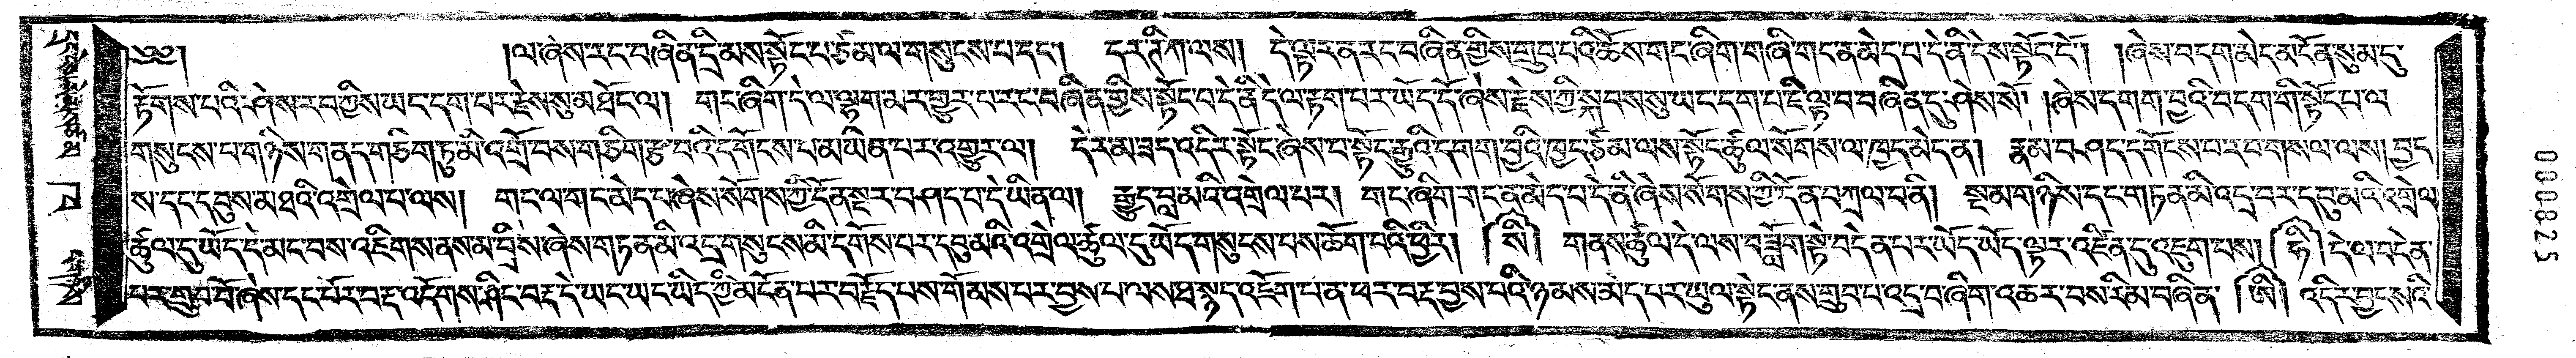༄༅། །ལ་ཞེས་རང་བཞིན་དྲི་མས་སྟོང་པ་ཙམ་ལ་གསུངས་པ་དང་། དར་ཊིཀ་ལས། དེ་ལྟར་ན་རང་བཞིན་གྱིས་གྲུབ་པའི་ཆོས་གང་ཞིག་གཞི་གང་ན་མེད་པ་དེ་ནི་དེས་སྟོང་ངོ། །ཞེས་བདག་མེད་མངོན་སུམ་དུ་
རྟོགས་པའི་ཤེས་རབ་ཀྱིས་ཡང་དག་པར་རྗེས་སུ་མཐོང་ལ། གང་ཞིག་དེ་ལ་ལྷག་མར་གྱུར་པ་རང་བཞིན་གྱིས་སྟོང་པ་དེ་ནི་དེ་ལ་རྟག་པར་ཡོད་དོ་ཞེས་རྗེས་ཀྱི་སྐབས་སུ་ཡང་དག་པ་ཇི་ལྟ་བ་བཞིན་དུ་ཤེས་སོ། །ཞེས་དགག་བྱའི་བདག་གི་སྟོང་པ་ལ་
གསུངས་པ་གཉིས་གནད་གཅིག་ཏུ་མི་འགྲོ་བས་གཅིག་རྩ་བའི་དགོངས་པ་མ་ཡིན་པར་འགྱུར་ལ། དེར་མ་ཟད་འདིར་སྟོང་ཞེས་པ་སྟོང་རྒྱུའི་དགག་བྱའི་ཁྱད་ཙམ་ལས་སྟོང་ཚུལ་སོགས་ལ་ཁྱད་མེད་ན། རྣམ་བཤད་དགོངས་པ་རབ་གསལ་ལས། བྱང་
ས་དང་དབུས་མཐའི་འགྲེལ་པ་ལས། གང་ལ་གང་མེད་པ་ཞེས་སོགས་ཀྱི་དོན་སྔར་བཤད་པ་དེ་ཡིན་ལ། རྒྱུད་བླ་མའི་འགྲེལ་པར། གང་ཞིག་གང་ན་མེད་པ་དེ་ནི་ཞེས་སོགས་ཀྱི་དོན་བཀྲལ་བ་ནི། སྔ་མ་གཉིས་དང་གཏན་མི་འདྲ་བར་དབུ་མའི་འགྲེལ་
ཚུལ་དུ་ཡོད་དེ་མང་བས་འཇིགས་ནས་མ་བྲིས་ཞེས་གཏན་མི་འདྲ་གསུངས་མི་དགོས་པར་དབུ་མའི་འགྲེལ་ཚུལ་དུ་ཡོད་གསུངས་པས་ཆོག་པའི་ཕྱིར། ༼སི༽ གནས་ཚུལ་དེ་ལས་བཟློག་སྟེ་བདེན་པར་ཡོད་ཡོད་ལྟར་འཛིན་དུ་འཇུག་པས། ༼ཧི༽ དེ་ལ་བདེན་
པར་གྲུབ་བོ་ཞེས་དང་པོར་བརྡ་འདོགས་ཤིང་བརྡ་དེ་ཡང་ཡང་ཡིད་ཀྱི་མངོན་པར་བརྗོད་པས་གོམས་པར་བྱས་པ་ལས་ཐ་སྙད་འཇོག་པ་ན་ཕར་བརྡ་བྱས་པའི་ཉམས་མེད་པར་ཡུལ་སྟེང་ནས་གྲུབ་པ་འདྲ་བ་ཞིག་འཆར་བས་རིམ་བཞིན ༼ཨི༽ འདིར་བྱང་སའི་